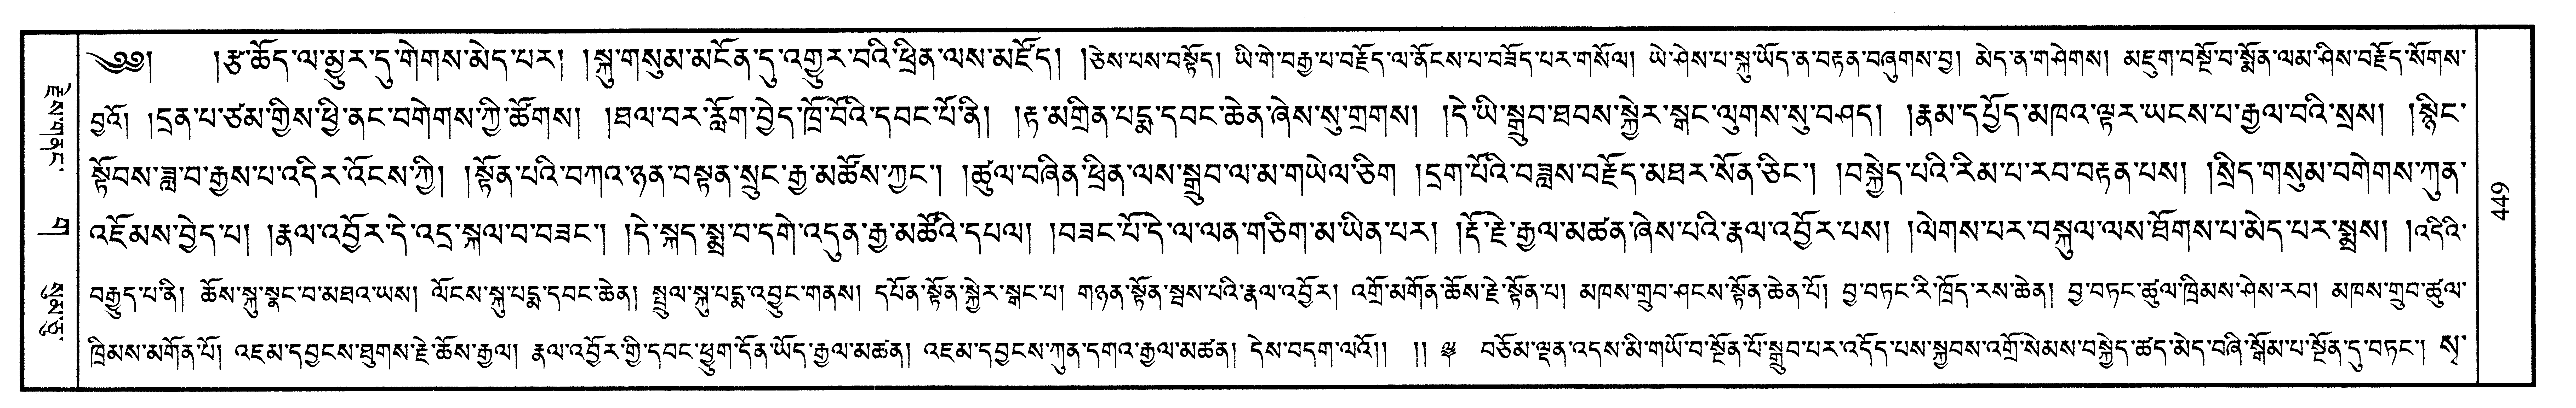༄༅། །རྩ་ཆོད་ལ་མྱུར་དུ་གེགས་མེད་པར། །སྐུ་གསུམ་མངོན་དུ་འགྱུར་བའི་ཕྲིན་ལས་མཛོད། །ཅེས་པས་བསྟོད། ཡི་གེ་བརྒྱ་པ་བརྗོད་ལ་ནོངས་པ་བཟོད་པར་གསོལ། ཡེ་ཤེས་པ་སྐུ་ཡོད་ན་བརྟན་བཞུགས་བྱ། མེད་ན་གཤེགས། མཇུག་བསྔོ་བ་སྨོན་ལམ་ཤིས་བརྗོད་སོགས་
བྱའོ། །དྲན་པ་ཙམ་གྱིས་ཕྱི་ནང་བགེགས་ཀྱི་ཚོགས། །ཐལ་བར་རློག་བྱེད་ཁྲོ་བོའི་དབང་པོ་ནི། །རྟ་མགྲིན་པདམ་དབང་ཆེན་ཞེས་སུ་གྲགས། །དེ་ཡི་སྒྲུབ་ཐབས་སྐྱེར་སྒང་ལུགས་སུ་བཤད། །རྣམ་དཔྱོད་མཁའ་ལྟར་ཡངས་པ་རྒྱལ་བའི་སྲས། །སྙིང་
སྟོབས་ཟླ་བ་རྒྱས་པ་འདིར་འོངས་ཀྱི། །སྟོན་པའི་བཀའ་ཉན་བསྟན་སྲུང་རྒྱ་མཚོས་ཀྱང་། །ཚུལ་བཞིན་ཕྲིན་ལས་སྒྲུབ་ལ་མ་གཡེལ་ཅིག །དྲག་པོའི་བཟླས་བརྗོད་མཐར་སོན་ཅིང་། །བསྐྱེད་པའི་རིམ་པ་རབ་བརྟན་པས། །སྲིད་གསུམ་བགེགས་ཀུན་
འཇོམས་བྱེད་པ། །རྣལ་འབྱོར་དེ་འདྲ་སྐལ་བ་བཟང་། །དེ་སྐད་སྨྲ་བ་དགེ་འདུན་རྒྱ་མཚོའི་དཔལ། །བཟང་པོ་དེ་ལ་ལན་གཅིག་མ་ཡིན་པར། །རྡོ་རྗེ་རྒྱལ་མཚན་ཞེས་པའི་རྣལ་འབྱོར་པས། །ལེགས་པར་བསྐུལ་ལས་ཐོགས་པ་མེད་པར་སྨྲས། །འདིའི་
བརྒྱུད་པ་ནི། ཆོས་སྐུ་སྣང་བ་མཐའ་ཡས། ལོངས་སྐུ་པདམ་དབང་ཆེན། སྤྲུལ་སྐུ་པདམ་འབྱུང་གནས། དཔོན་སྟོན་སྐྱེར་སྒང་པ། གཉན་སྟོན་སྦས་པའི་རྣལ་འབྱོར། འགྲོ་མགོན་ཆོས་རྗེ་སྟོན་པ། མཁས་གྲུབ་ཤངས་སྟོན་ཆེན་པོ། བྱ་བཏང་རི་ཁྲོད་རས་ཆེན། བྱ་བཏང་ཚུལ་ཁྲིམས་ཤེས་རབ། མཁས་གྲུབ་ཚུལ་
ཁྲིམས་མགོན་པོ། འཇམ་དབྱངས་ཐུགས་རྗེ་ཆོས་རྒྱལ། རྣལ་འབྱོར་གྱི་དབང་ཕྱུག་དོན་ཡོད་རྒྱལ་མཚན། འཇམ་དབྱངས་ཀུན་དགའ་རྒྱལ་མཚན། དེས་བདག་ལའོ།། །། ༈ བཅོམ་ལྡན་འདས་མི་གཡོ་བ་སྔོན་པོ་སྒྲུབ་པར་འདོད་པས་སྐྱབས་འགྲོ་སེམས་བསྐྱེད་ཚད་མེད་བཞི་སྒོམ་པ་སྔོན་དུ་བཏང་། སྭ་